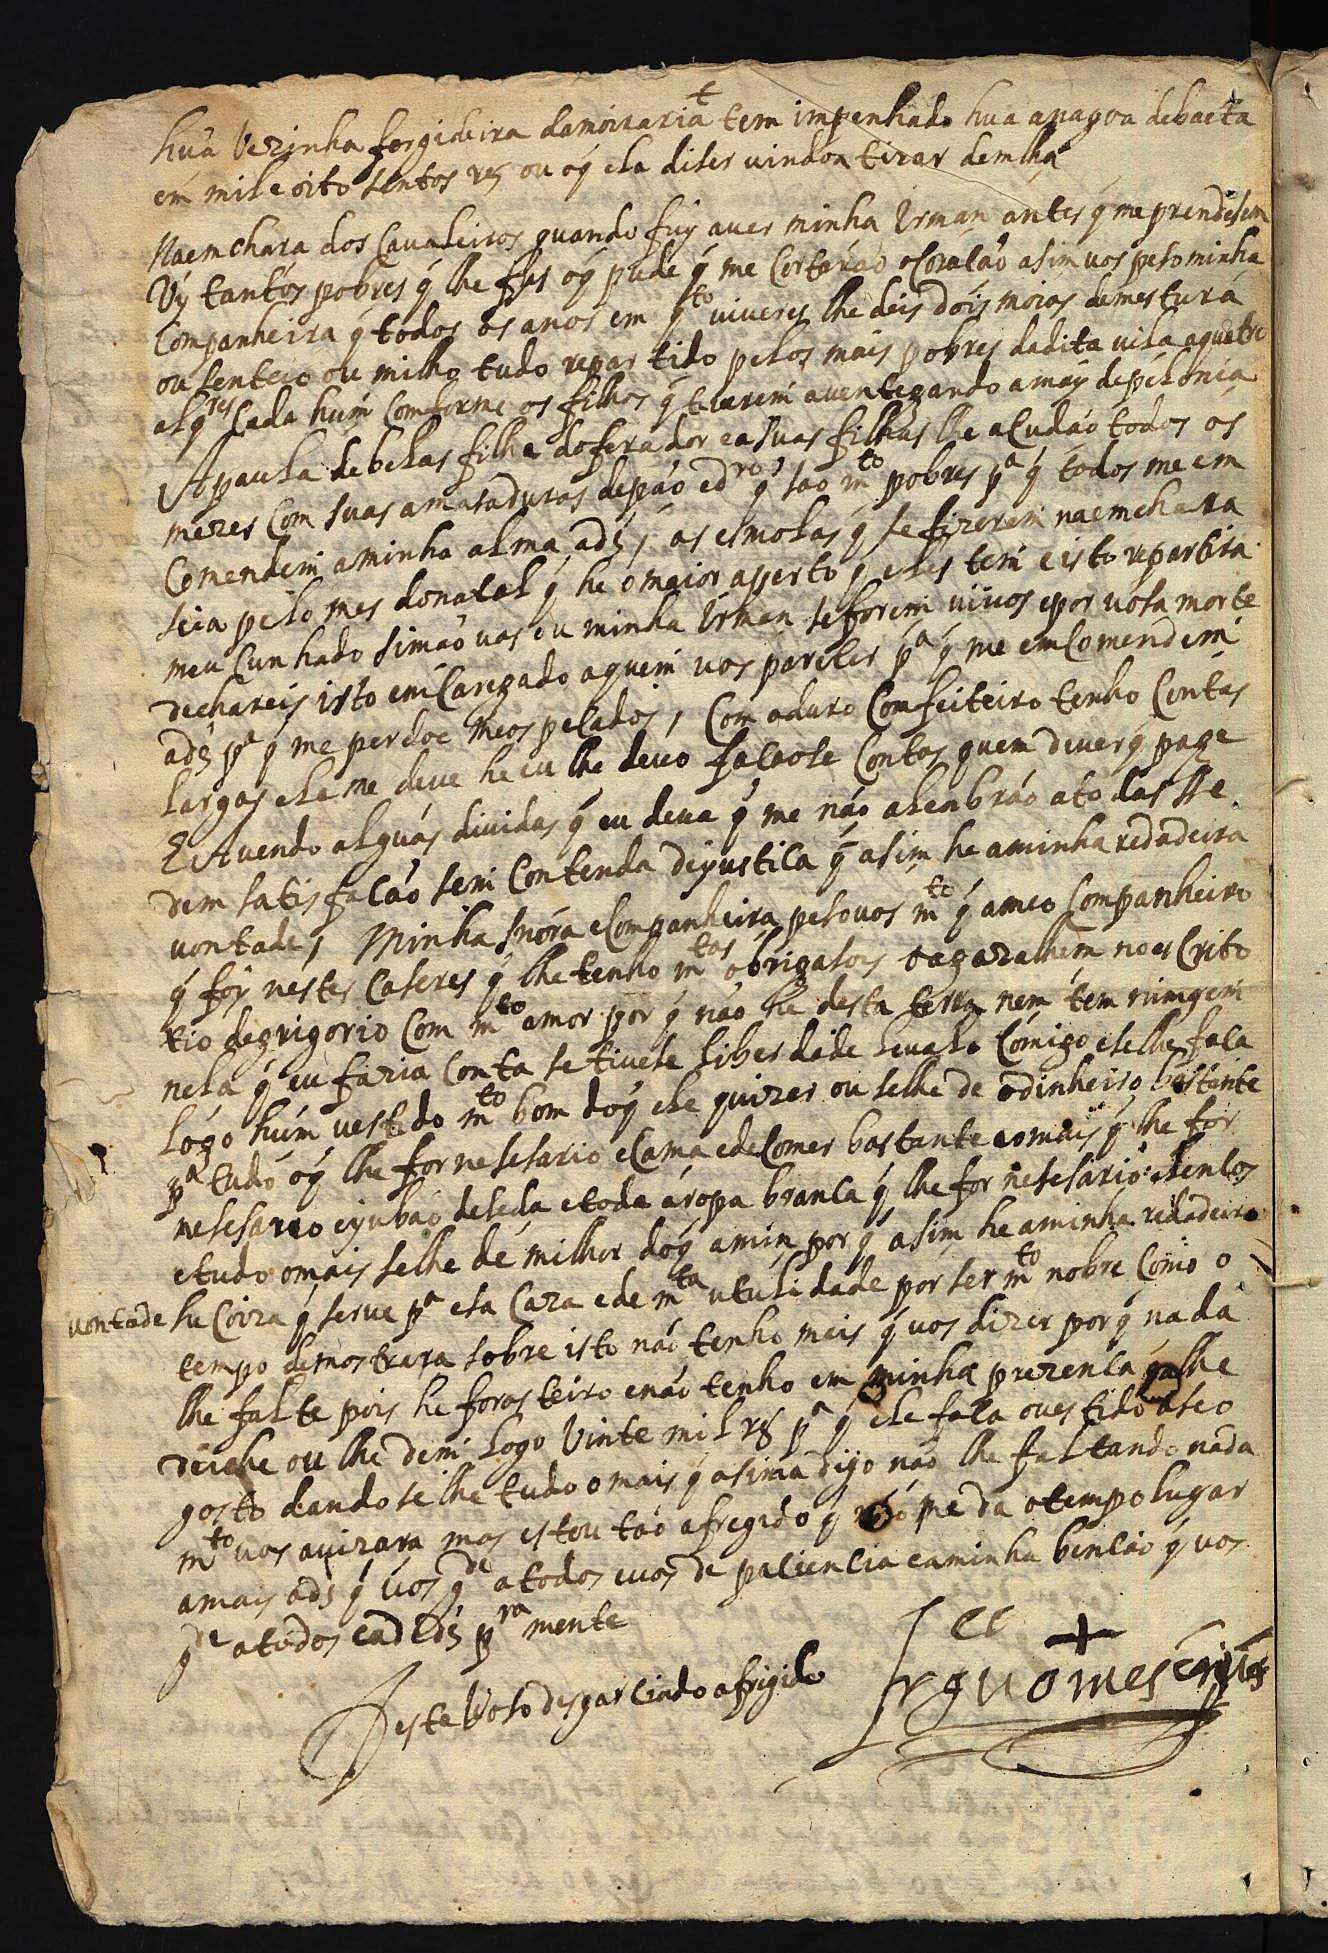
huā Vezinha forgideira da moiraria tem impenhado hua anagoa de baeta
em miL e oitosentos res ou o q̄ ela diser uindo a tirar demlha
Na emchara dos Caualeiros quando fuy a uer minha Irman antes q̄ me prendesem
Vy tantos pobres q̄ lhe fis o q̄ pude q̄ me Cortaraõ o CoraÇaõ asim uos peso minha
Companheira q̄ todos os anos emqto uiueres lhe deis dois moias de mestura
ou senteio ou milho tudo repartido peLos mais pobres da dita uiLa a quatro
aLqres Cada hum̄ Comforme os filhos q̄ tiurem auentegando a may de péLonia
A pauLa de beLas filha do ferador e a suas filhas lhe aCudão todos os
mezes Com suas amasaduras de pão e dro q̄ sao mto pobres pa q̄ todos me em
Comendem a minha aLma a ds̄, as esmoLas q̄ se fizerem na emchara
seia pelo mes do nataL q̄ he o maior aperto q̄ eles tem e isto repartira
meu Cunhado Simaõ uas ou minha Irman se forem uiuos e por uosa morte
dechareis isto emCaregado a quem uos pareCer pa q̄ me emComendem
a ds̄ pa q̄ me perdoe meos peCados, Com o duro Comfeiteiro tenho Contas
Largas eLe me deue he eu lhe deuo faCaose Contas quem deuer q̄ page
E Auendo aLguās diuidas q̄ eu deua q̄ me naõ aLenbrão a todas sse
dem satisfaCaõ sem Contenda de yustica q̄ asim he a minha redadeira
uontade, Minha snor̄a e Companheira pesouos mto q̄ a meo Companheiro
q̄ foy nestes Caseres q̄ lhe tenho mtas obrigasois o agazalhem no esCrito
rio de grigorio Com mto amor porq̄ naõ he desta terra nem tem nimgem
neLa q̄ eu fazia Conta se tiuese Liberdade LeuaLo Comigo e se lhe faCa
Logo hum uestido mto bom do q̄ eLe quizer ou selhe de o dinheiro bastante
pa tudo o q̄ lhe for nesesario e Cama e de Comer bastante e o mais q̄ lhe for
nesesario e yubaõ de seda, e toda a ropa branca q̄ lhe for nesesario e LenCos
e tudo o mais se lhe de milhor do q̄ a min, porq̄ asim he a minha redadeira
uontade he Coiza q̄ serue pa esa Caza e de mta utuLidade por ser mto nobre Como o
tempo demostrara sobre isto naõ tenho mais q̄ uos dizer porq̄ nada
lhe faLte pois he forasteiro e naõ tenho em minha prezenCa _ lhe
deiche ou lhe dem Logo Vinte miL rs̄ pa q̄ eLe faCa o uestido a seo
gosto dandoselhe tudo o mais q̄ asima digo naõ lhe faLtando nada
mto uos auizara mas estou taõ afregido q̄ _ me da o tempo Lugar
a mais a ds̄ q̄ uos gde a todos e uos de paCienCia e a minha benCaõ q̄ uos
gde a todos e a de ds̄ pramente
Deste Voso desgarciado afrigido
Frco guomes ēriques
